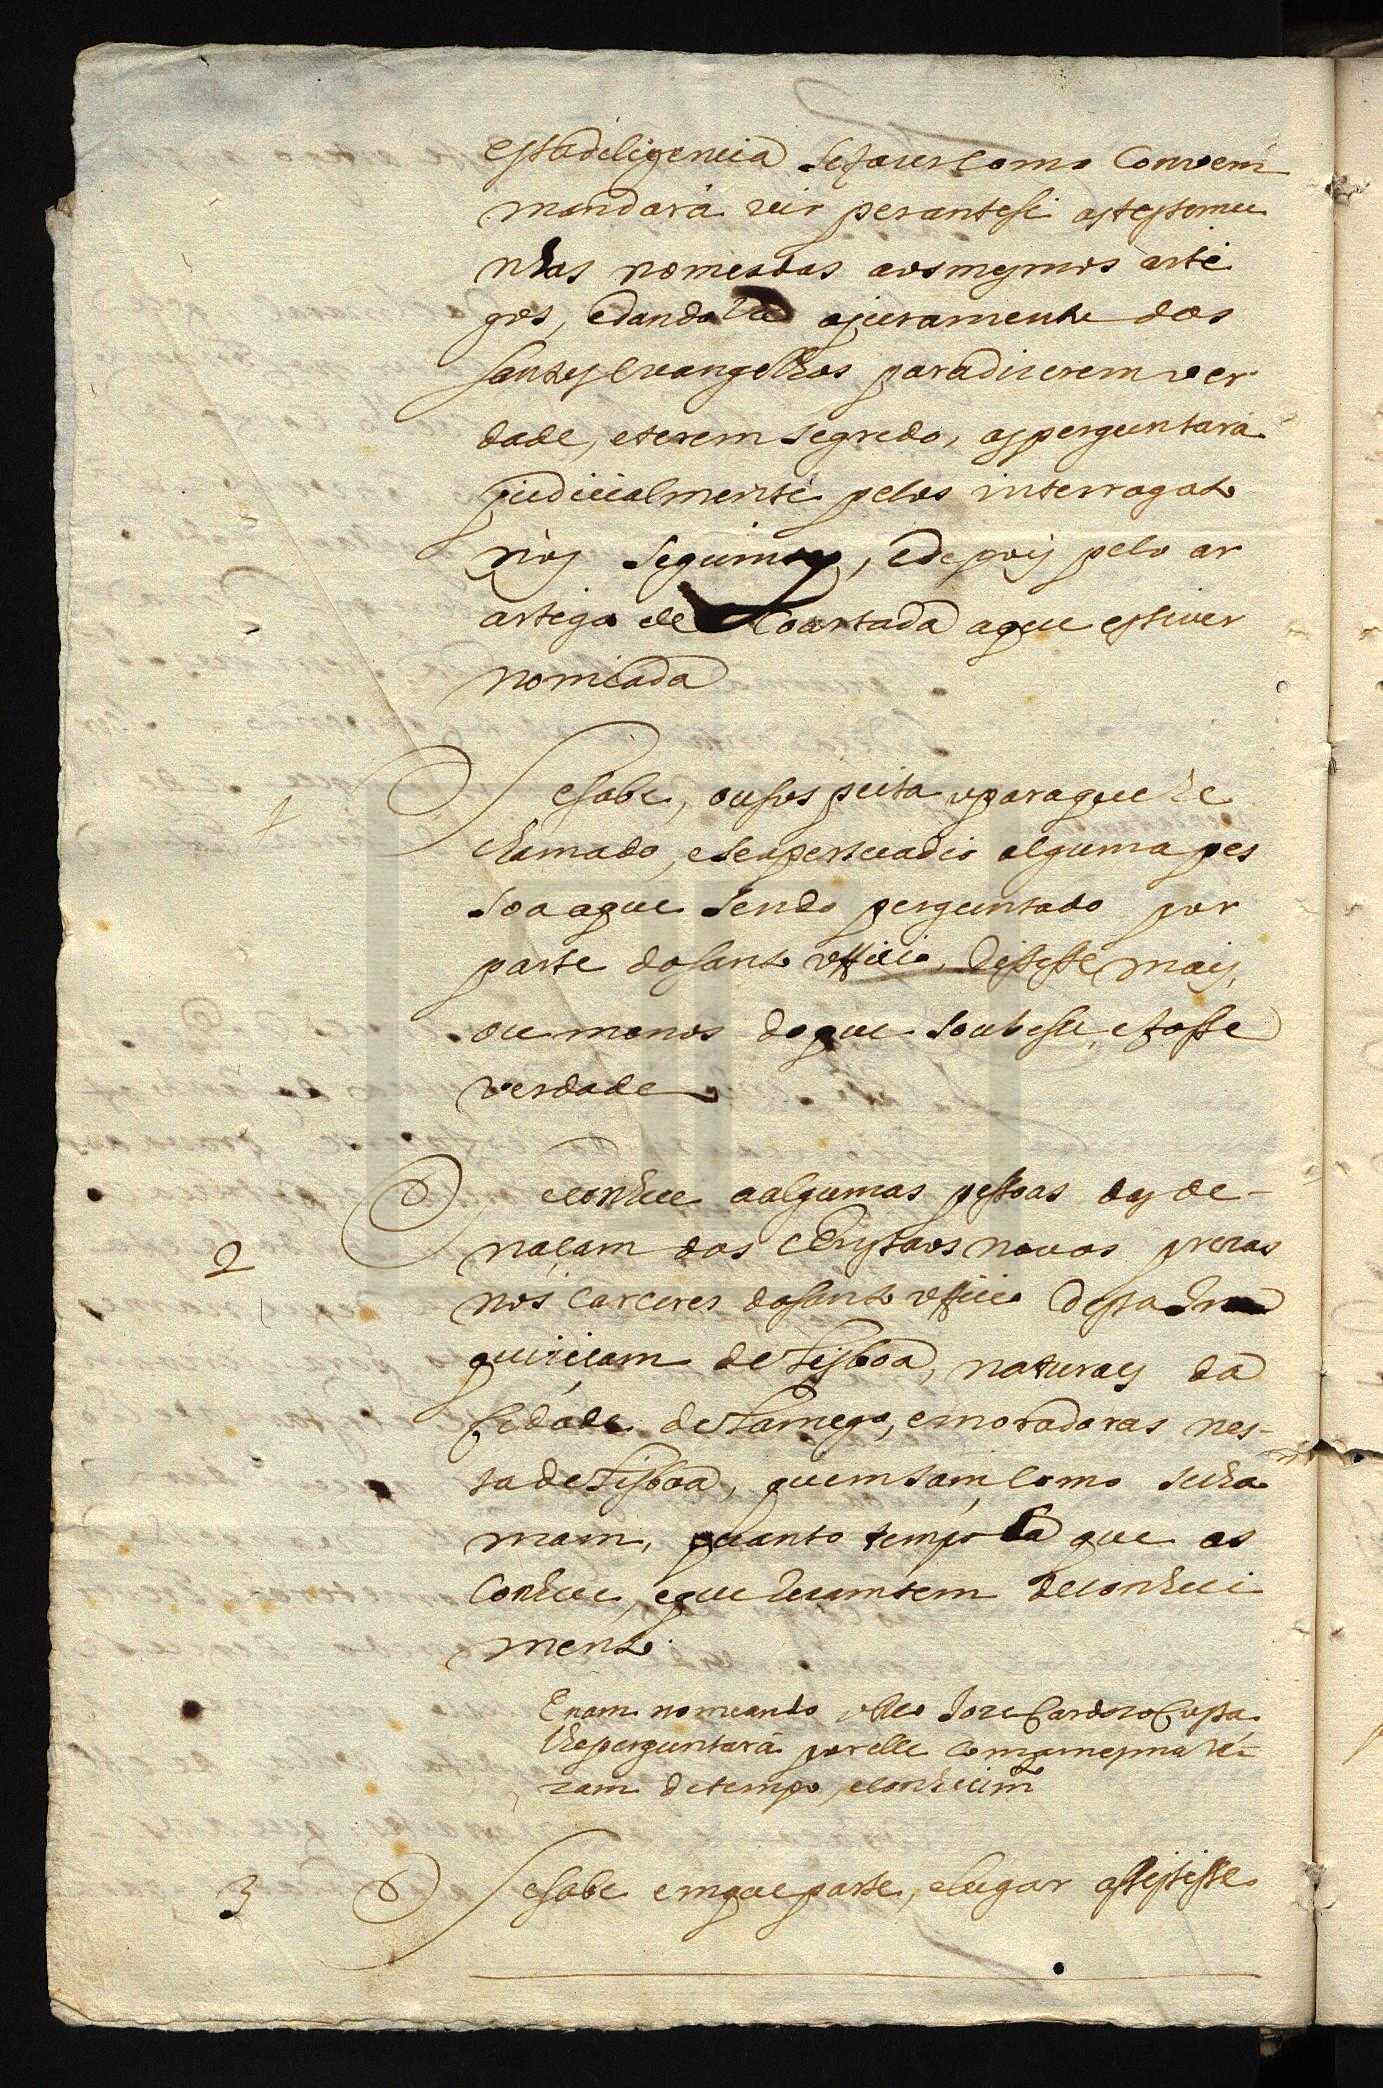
2
3
esta deligencia se fazer como convem
mandará vir perante si as testemu
nhas nomeadas aos mesmos arti
gos, e dandolhe o juramento dos
santos evangelhos para dizerem ver
dade, e terem segredo, as perguntara
judicialmente pelos interrogato
rios seguintes, e depois pelo ar
artigo de Coartada a que estiuer
nomiada
Se sabe, ou sospeita o para que he
chamado, e se a persuadio alguma pes
soa a que sendo perguntado por
parte do santo officio dissesse mais,
ou menos do que soubesse, e fosse
verdade
Se conhece a algumas pessoas das de
naçam dos christaos nouos prezas
nos carceres do santo officio desta In
quiziçam de Lisboa, naturaes da
Cidade de Lamego, e moradoras nes
ta de Lisboa, quem sam, como se cha
mam, quanto tempo ha que as
conhece, e que Rezam tem de conheci
mento
E nam nomeando o Reo Ioze Cardozo Costa
lhe perguntará por elle com a mesma vi
zam de tempo, e conhecimto
Se sabe em que parte, e lugar assistisse
